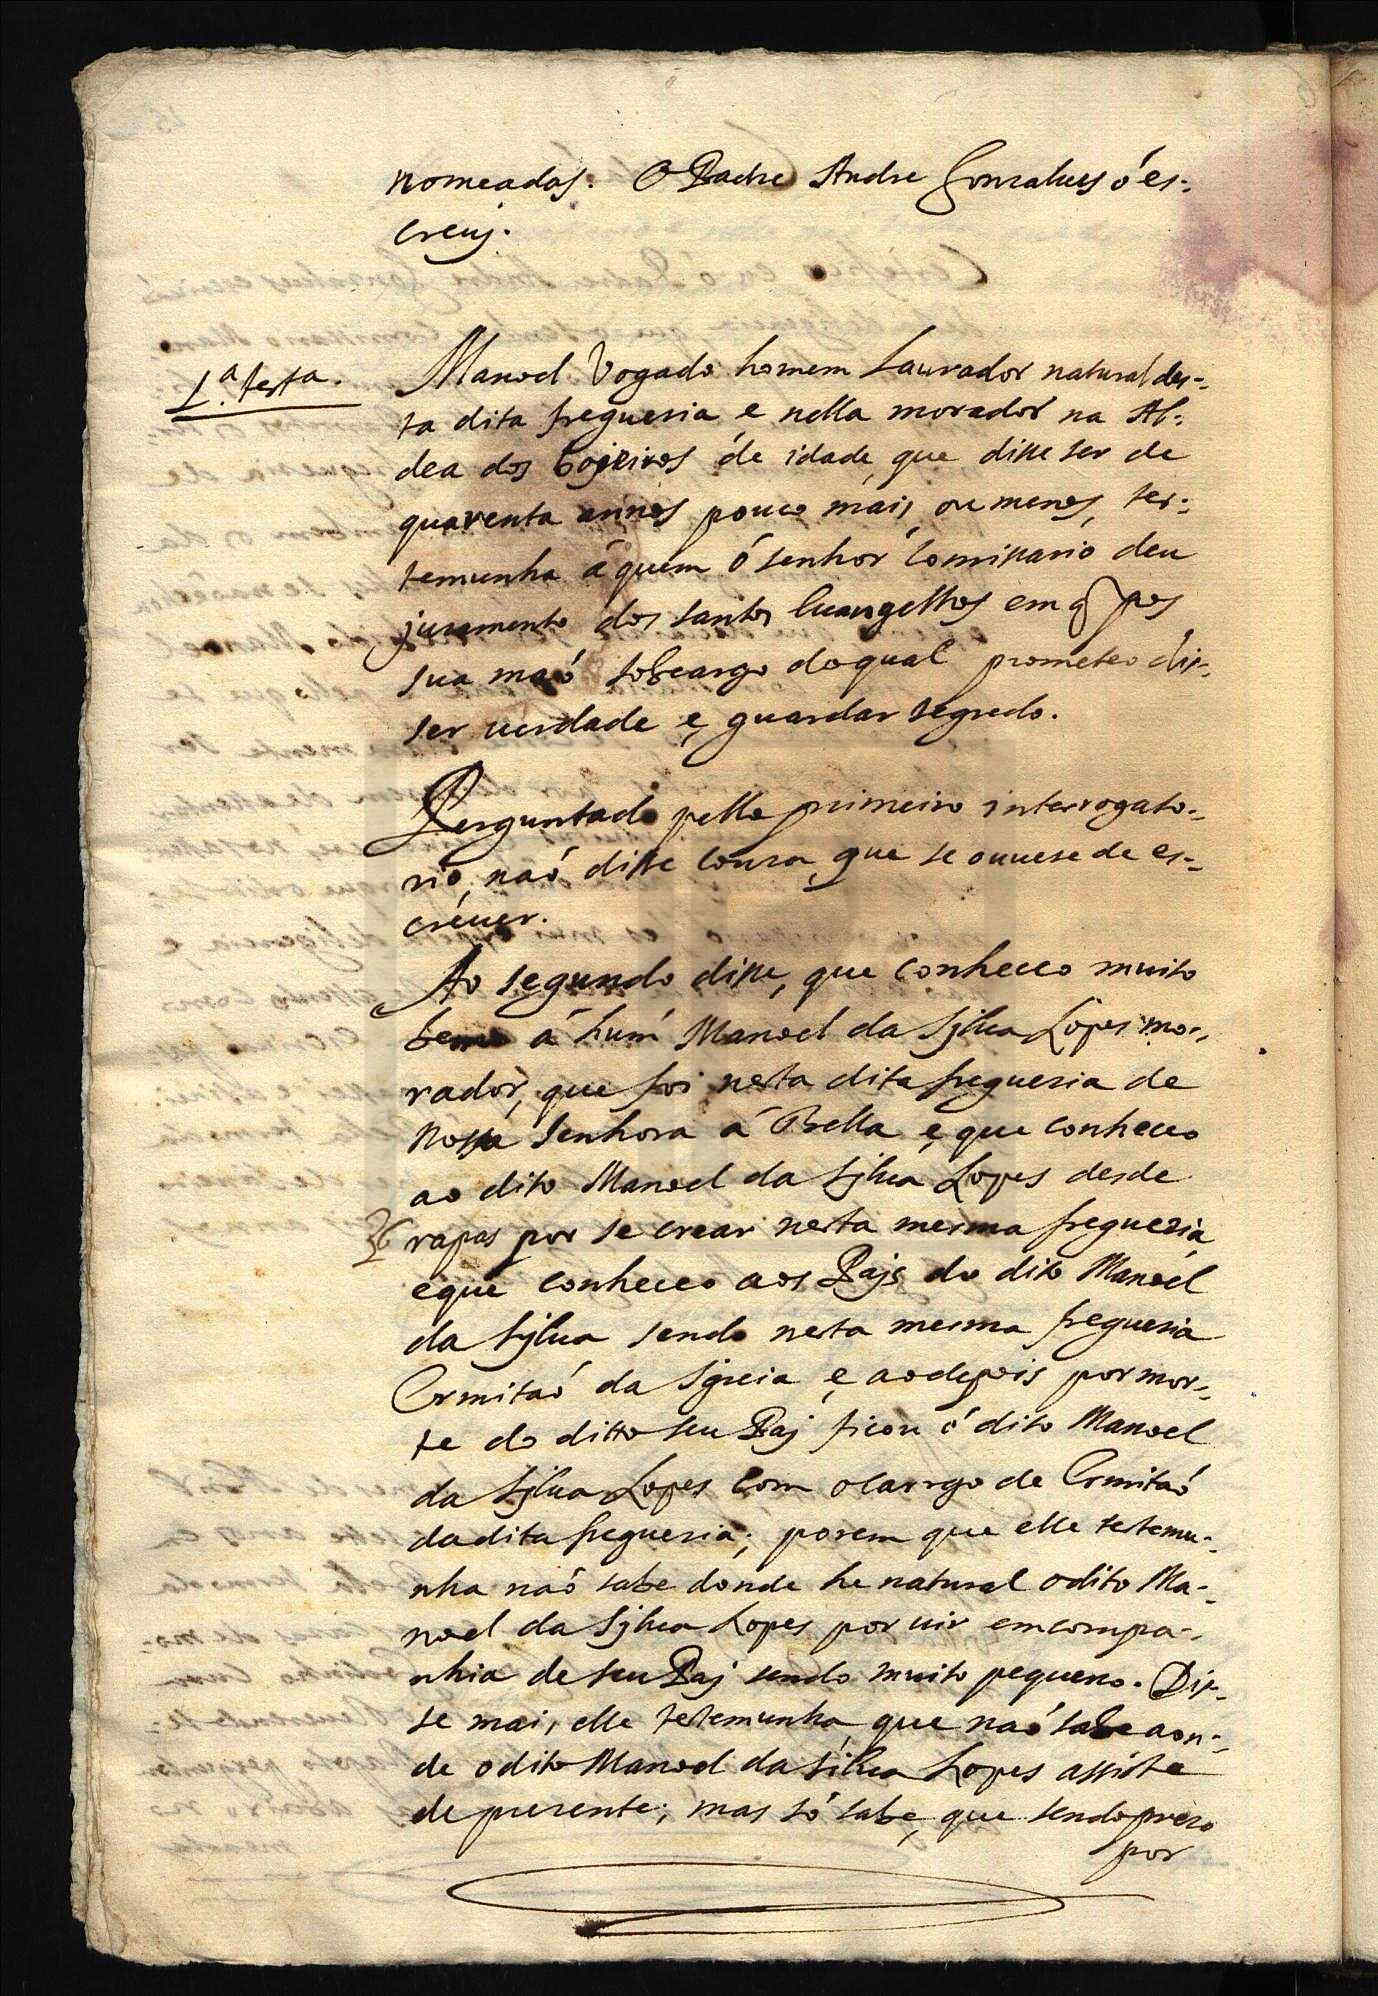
1.a testa.
nomeadas. O Padre Andre Gonsalues o es
creuj.
Manoel Vogado homem laurador natural des
ta dita freguezia, e nella morador na Al
dea dos bajeiros de idade, que disse ser de
quarenta annos pouco mais, ou menos, tes
temunha a quem o senhor comissario deu
juramento dos santos Euangelhos em q̄ pos
sua maõ sob cargo do qual prometeo dis
ser uerdade e guardar segredo.
Perguntado pello primeiro interrogato
rio, naõ disse couza que se ouuese de es
creuer.
Ao segundo disse, que conheceo muito
bem a hum Manoel da Sjlua Lopes mo
rador, que foi nesta dita freguezia de
nossa Senhora a Bella e que conheceo
ao dito Manoel da Sjlua Lopes desde
rapas por se crear nesta mesma freguezia,
e que conheceo aos Pajs do dito Manoel
da Sylua sendo nesta mesma freguezia
Ermitaõ da Igreia, e ao depois por mor
te do ditto seu Paj ficou o dito Manoel
da Sjlua Lopes com o cargo de Ermitaõ
da dita freguezia; porem que elle testemu
nha naõ sabe donde he natural o dito Ma
noel da Sjlua Lopes por uir em compa
nhia de seu Paj sendo muito pequeno. Dis
se mais elle testemunha, que naõ sabe aon
de o dito Manoel da Silua Lopes assiste
de prezente; mas só sabe, que sendo prezo
por
